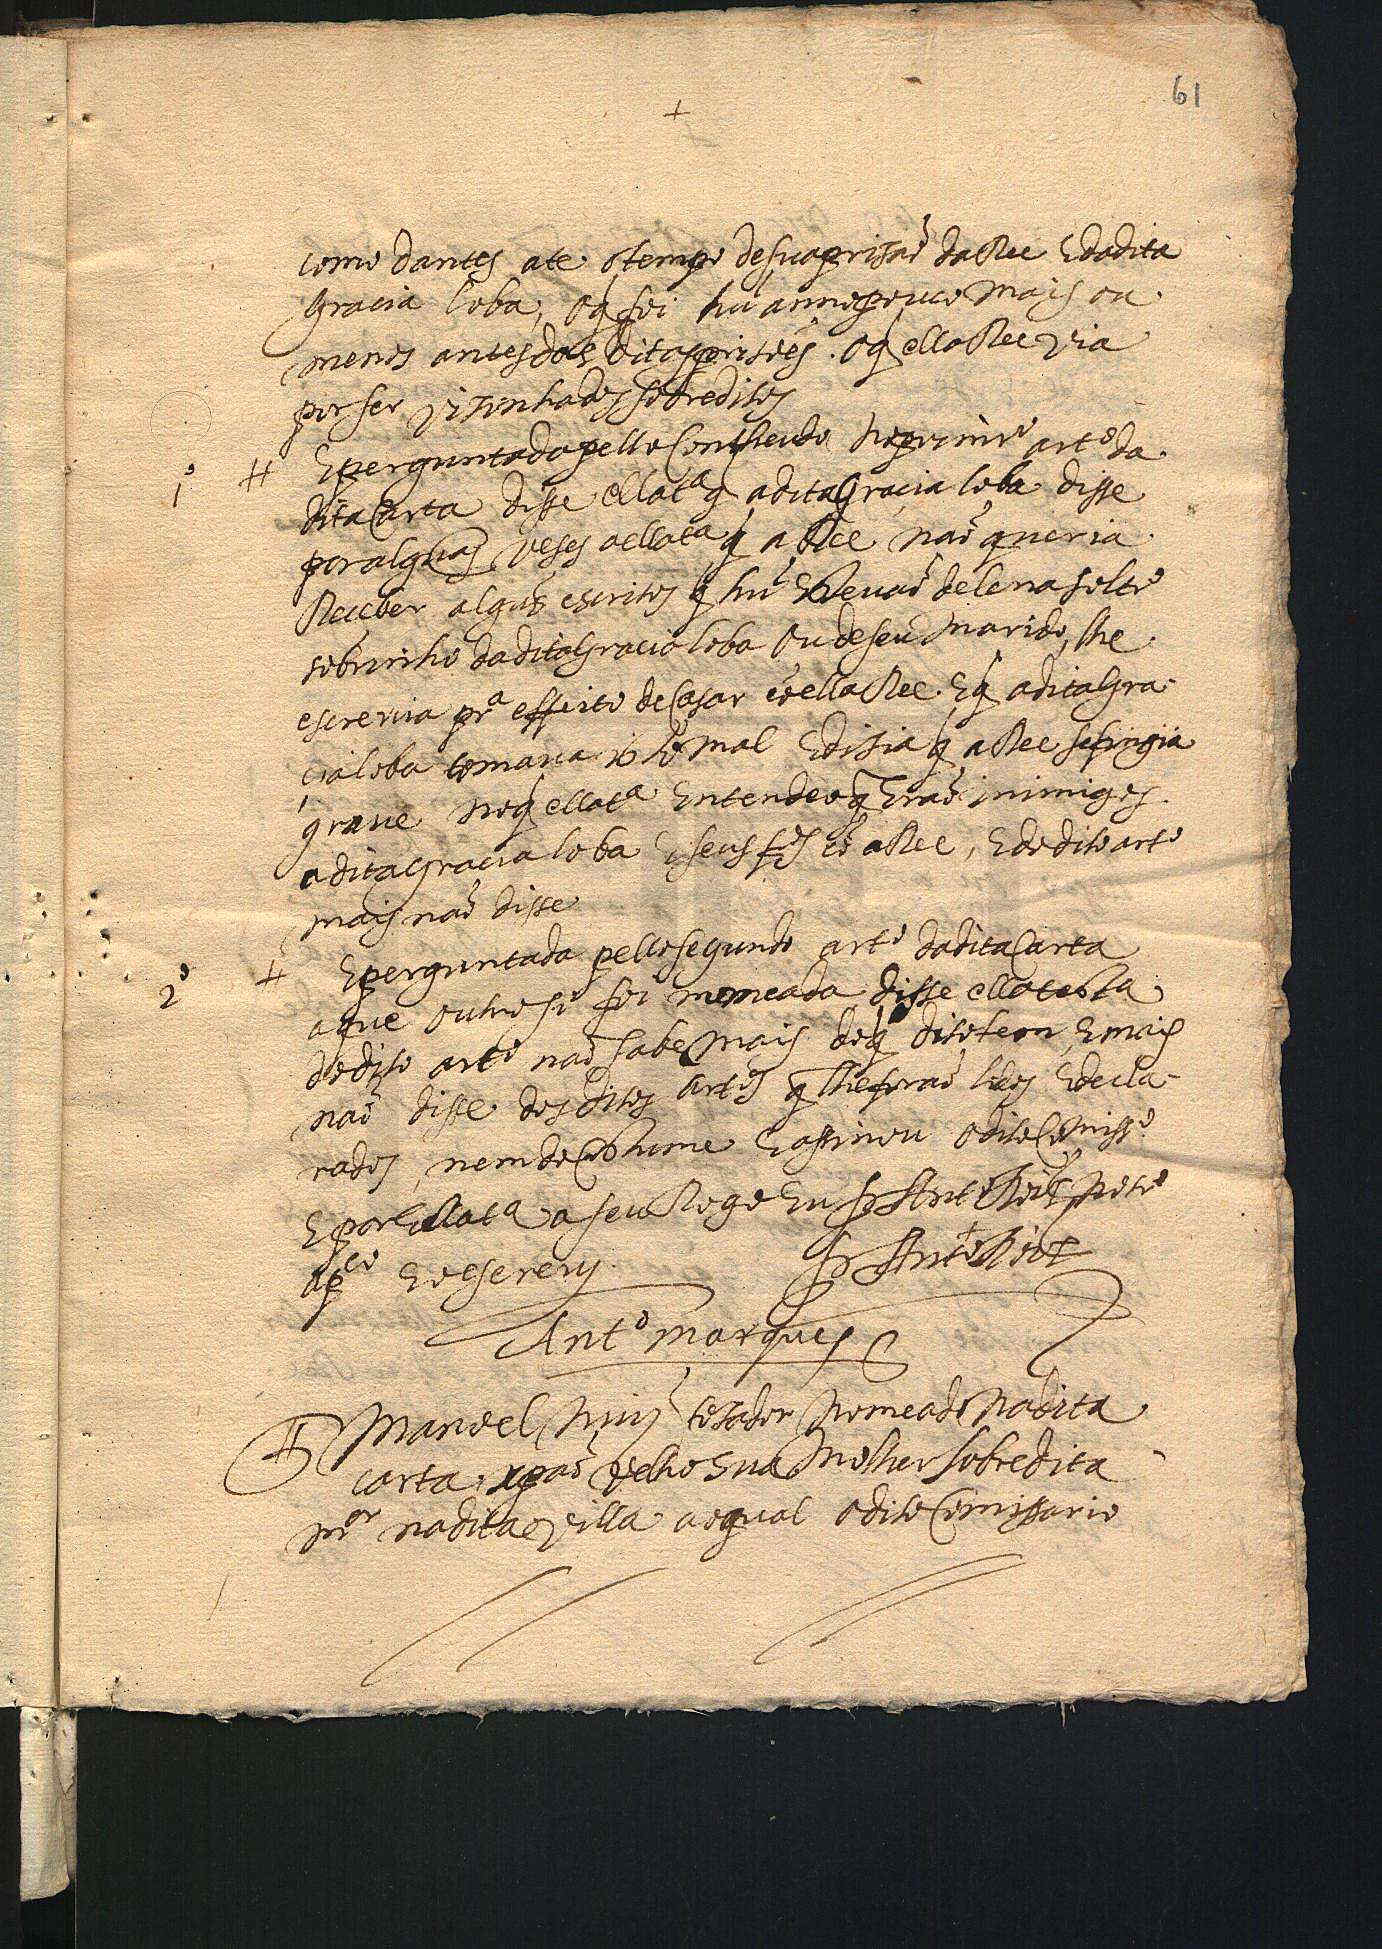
como dantes ate o tempo de sua prizaõ da Ree E da dita
Gracia loba, o q̄ foi hū anno pouco mais ou
menos antes das ditas prisoẽs. O q̄ ella Ree via
por ser vizinha dos sobreditos
item E perguntada pello Contheudo no primro arto da
dita Carta disse ella ta q̄ a dita Graçia loba disse
por alguas̄ veses a ella ta q̄ a Ree naõ queria
Reçeber algus̄ escritos q̄ hū Esteuaõ de lena soltro
sobrinho da dita Gracia Loba ou de seu Marido, lhe
escreuia pra effeito de Casar cō ella Ree. E q̄ a dita Gra
çia loba tomaua isto mal E dizia q̄ a Ree se fingia
graue no q̄ ella ta Entendeo q̄ Eraõ inimigos.
a dita Graçia loba E seus fos cō a Ree, E do dito arto
mais naõ disse
item E perguntada pello segundo arto da dita Carta
a que outrosi foi nomeada disse ella testa
do dito arto naõ sabe mais do q̄ dito tem, E mais
naõ disse dos ditos artos q̄ lhe foraõ lidos E decla
rados, nem do Costume E assinou o dito Comisso
E por Ella ta a seu Rogo Eu fr Anto Roiz notro
apco E o escreuj.
item Manoel nuiz̄ tozador Nomeado Na dita
carta xpaõ velho sua Molher sobredita
mor na dita Villa ao qual o dito Comissario
